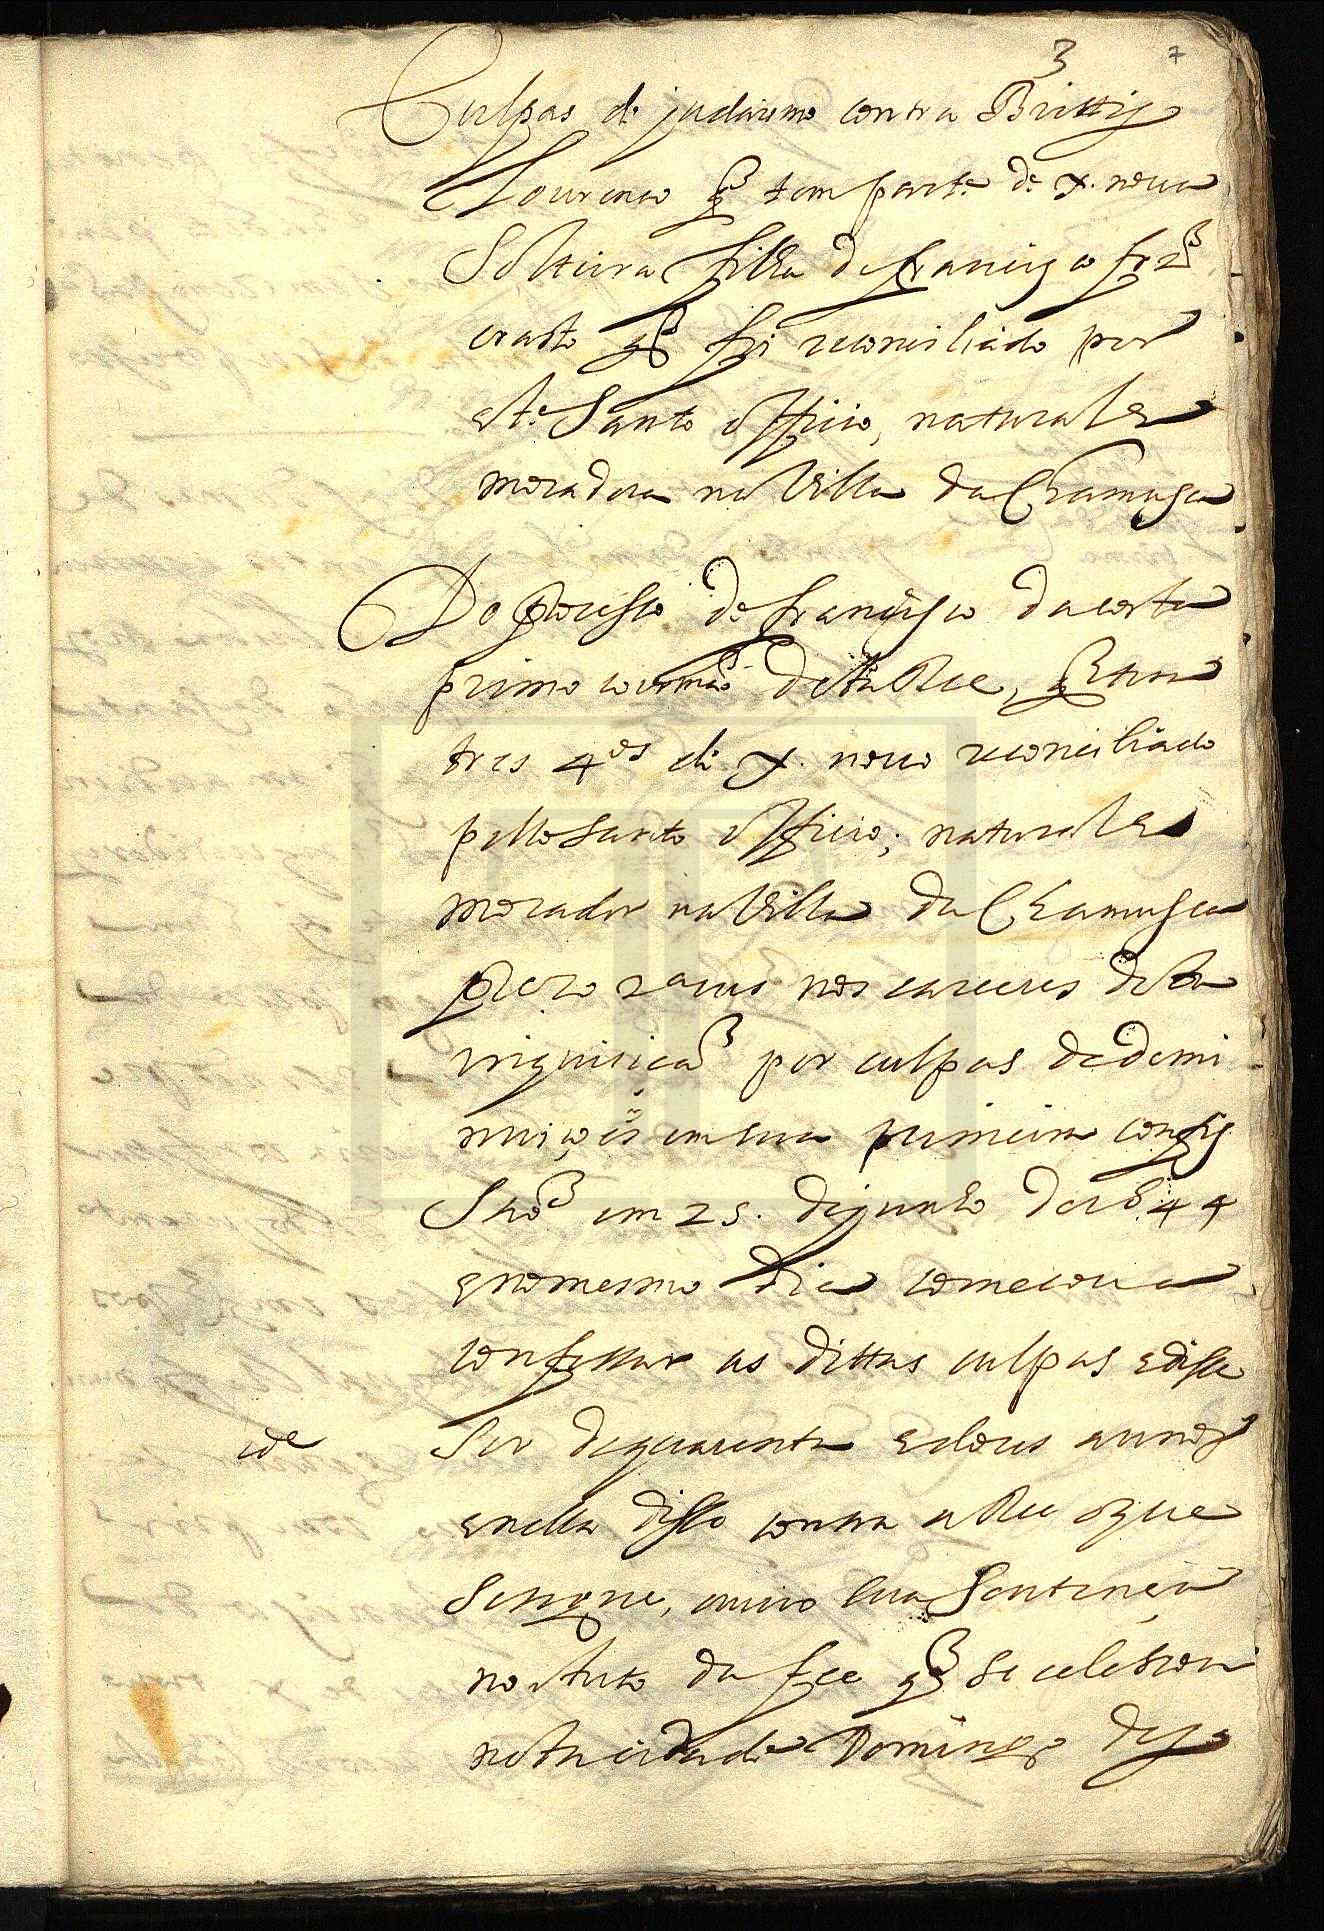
Culpas de judaismo contra Brittis
Lourenso q̄ tem parte de x. noua
Solteira filha de francisco frz̄
crasto gs foi reconciliado por
este Santo officio, natural e
moradora na Villa da Chamusca
Do processo de francisco da costa
primo co irmaõ dita Ree, q̄ tem
tres 4os de x. nouo reconciliado
pello Santo officio; natural e
morador na Villa da Chamusca
prezo 2a ves nos carceres desta
inquisiçã por culpas de demi
nuiçoes em sua primeira confis
saõ em 25. de junho de 1644
e no mesmo dia comecou a
confessar as dittas culpas e disse
ser de quarenta e dous annos
e nella disse contra a Ree o que
sengue, ouuio sua Sentença
no Auto da fee q̄ se celebrou
neta cidade Dominho des
